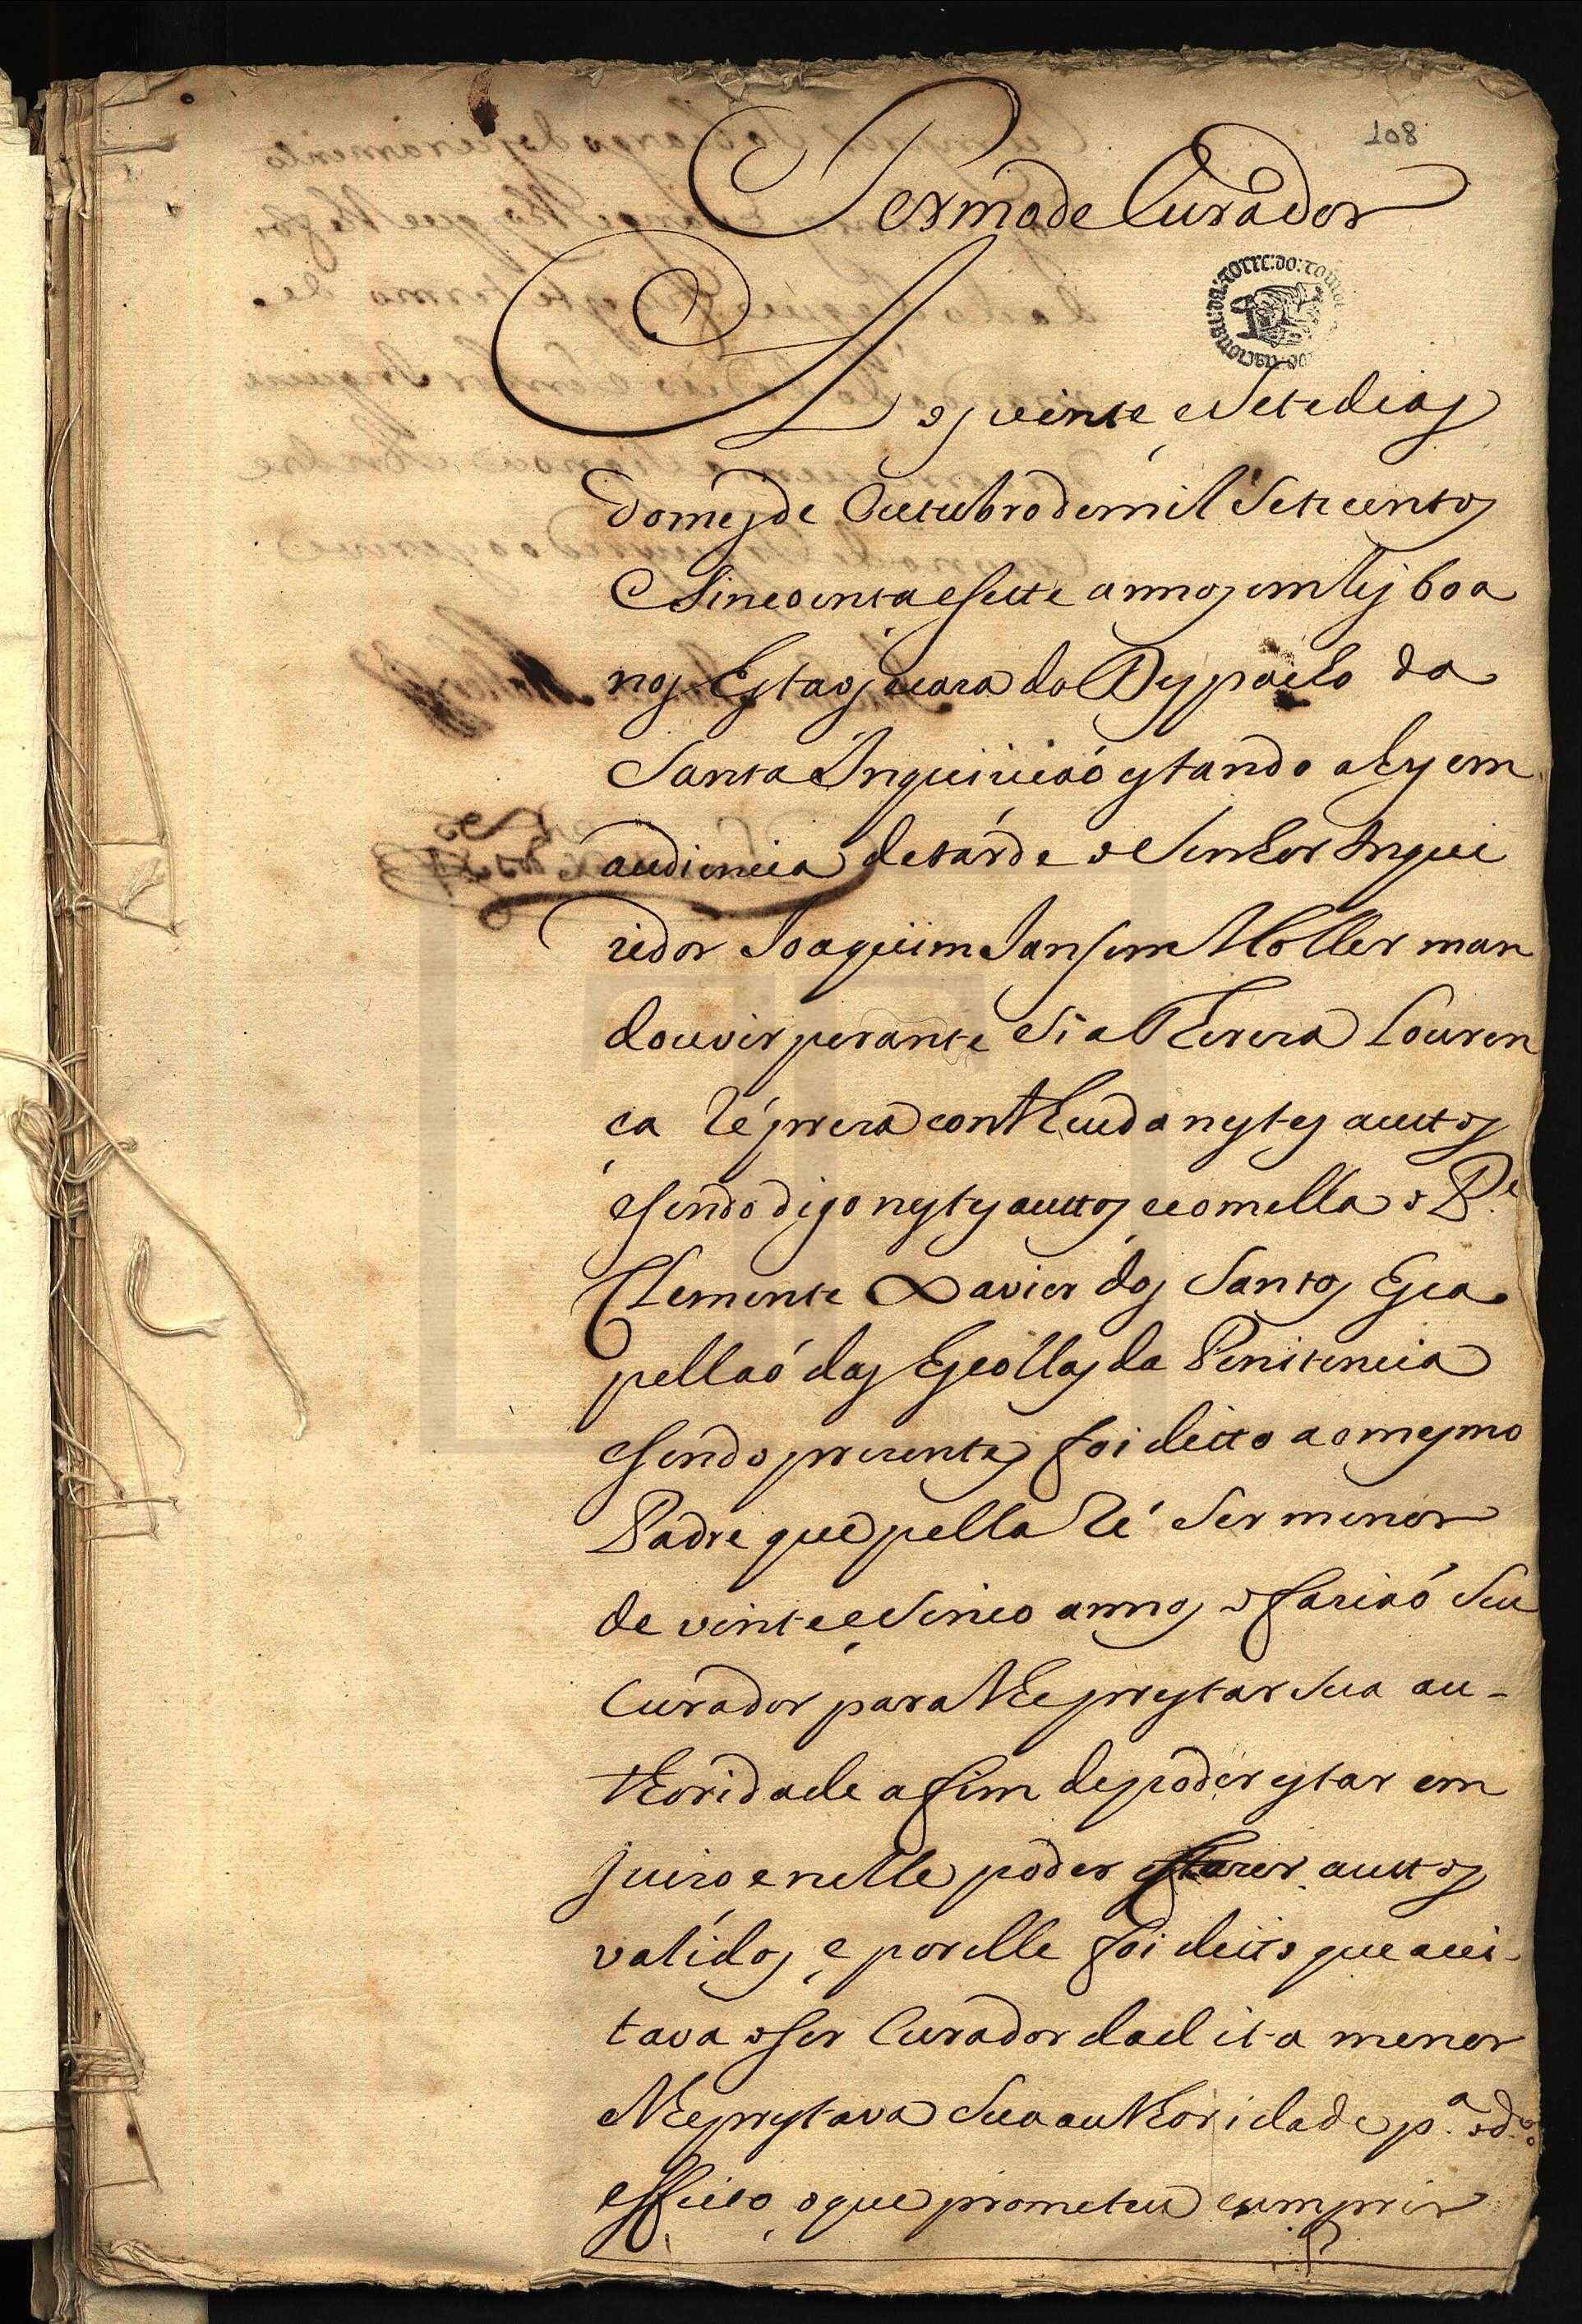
Termo de Curador
Aos vinte e Sete dias
do mes de Outubro de mil Setecentos
e Sincoenta e sette annos em lisboa
nos Estaos e caza do Despacho da
Santa Inquiziçaõ estando ahy em
audiencia de tarde o Senhor Inqui
zidor Ioaquim Iansem Moller man
dou vir perante Si a Thereza Louren
ça Ré preza contheuda nestes auttos
e sendo digo neste auttos e com ella o P.e
Clemente Xavier dos Santos Esca
pellaõ das Escollas da Penitencia
e sendo prezentes foi ditto ao mesmo
Padre que pella Ré Ser menor
de vinte e sinco annos o faziaõ Seu
curador para lhe prestar Sua au
thoridade a fim de poder estar em
juizo, e nelle poder fazer auttos
validos, e por elle foi ditto que acei
tava o ser Curador da dita menor
e lhe prestava Sua authoridade p.a o d.o
effeito, o que prometeu cumprir
